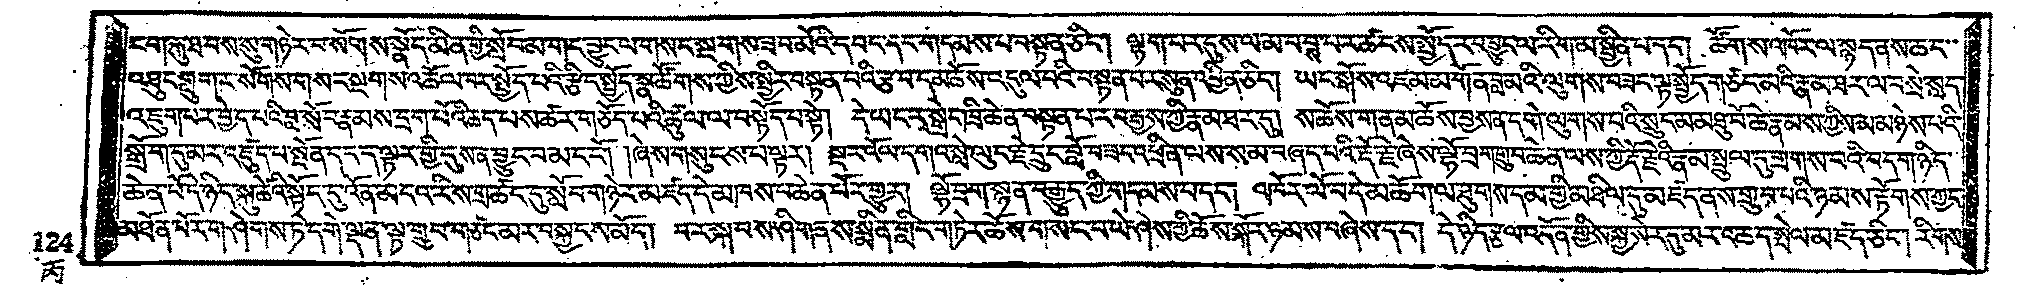ངག་རྐུ་ཐབས་སུ་གཉེར་བ་སོགས་སྣོད་མིན་གྱི་སློབ་མ་གང་བྱུང་ལ་གསང་སྔགས་ཟབ་མོའི་དབང་དང་གདམས་པ་བསྟན་ཅིང་། ལྷག་པར་དུས་ལ་མ་བབས་པར་ཚངས་སྤྱོད་རབ་བྱུང་ལ་རིག་མ་སྦྱིན་པ་དང་། ཚོགས་འཁོར་ལ་སྙད་ནས་ཆང་
འཐུང་གླུ་གར་སོགས་གསང་སྔགས་འཆོལ་བར་སྤྱོད་པའི་རྩིང་སྤྱོད་སྣ་ཚོགས་ཀྱིས་སྤྱིར་བསྟན་པའི་རྩ་བ་དམ་ཆོས་འདུལ་བའི་བསྟན་པར་སུན་འབྱིན་ཅིང་། ཡང་སྒོས་འཇམ་མགོན་བླ་མའི་ལུགས་བཟང་ལྟ་སྤྱོད་གཙང་མའི་རྣམ་ཐར་ལ་བསྲེ་སླད་
འཇུག་པར་བྱེད་པའི་བླ་སློབ་རྣམས་དྲག་པོའི་ཆད་པས་ཚར་གཅོད་པའི་ཚུལ་ལ་བསྟོད་པ་སྟེ། དེ་ཡང་རྭ་སྒྲེང་ཁྲི་ཆེན་བསྟན་པ་རབ་རྒྱས་ཀྱི་རྣམ་ཐར་དུ། ས་ཆོས་གནམ་ཆོས་བྱས་ན་དགེ་ལུགས་པའི་སྲུང་མ་མཐུ་བོ་ཆེ་རྣམས་ཀྱིས་མ་མཉེས་པའི་
སྒྲོག་དུ་མར་འཛུད་པ་སྔོན་དང་ད་ལྟར་གྱི་དུས་ན་བྱུང་བ་མང་ངོ། །ཞེས་གསུངས་པ་ལྟར། སྔར་འོལ་དགའ་སླེ་ལུང་རྗེ་དྲུང་བློ་བཟང་འཕྲིན་ལས་སམ་བཞད་པའི་རྡོ་རྗེ་ཞེས་ལྷོ་བྲག་གྲུབ་ཆེན་ལས་ཀྱི་རྡོ་རྗེའི་རྣམ་སྤྲུལ་དུ་གྲགས་པའི་བདག་ཉིད་
ཆེན་པོ་དེ་ཉིད་སྐུ་ཚེའི་སྟོང་དུ་འོན་མངའ་རིས་གྲ་ཚང་དུ་སློབ་གཉེར་མཛད་དེ་མཁས་པ་ཆེན་པོར་གྱུར། ལྷོ་བྲག་སྙན་བརྒྱུད་ཀྱི་གདམས་པ་དང་། འཁོར་ལོ་བདེ་མཆོག་ལ་ཐུགས་དམ་གྱི་མཐིལ་དུ་མཛད་ནས་གྲུབ་པའི་ཉམས་རྟོགས་ཀྱང་
མཐོན་པོར་གཤེགས་ཏེ་དགེ་ལྡན་ལྟ་གྲུབ་གཙང་མར་བསྐྱངས་མོད། བར་སྐབས་ཤིག་ནས་སྨིན་གླིང་གཏེར་ཆོས་གསང་བ་ཡེ་ཤེས་ཀྱི་ཆོས་སྐོར་ཉམས་བཞེས་དང་། དེ་ཉིད་རྩལ་འདོན་གྱིས་སྐྱ་སེར་དུ་མར་འཆད་སྤེལ་མཛད་ཅིང་། རིགས་